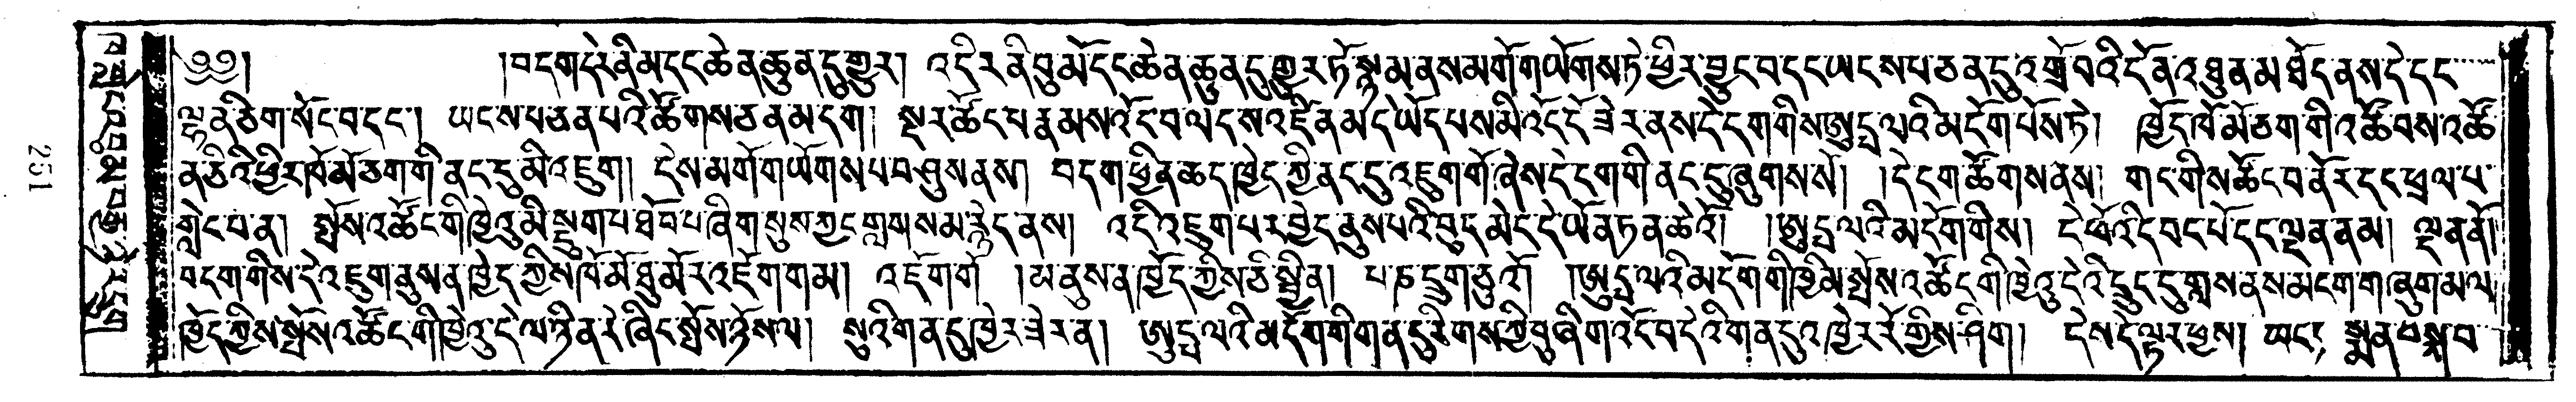༄༅། །བདག་དེར་ནི་མ་དང་ཆེན་ཆུན་དུ་གྱུར། འདིར་ནི་བུ་མོ་དང་ཆེན་ཆུན་དུ་གྱུར་ཏོ་སྙམ་ནས་མགོ་གཡོགས་ཏེ་ཕྱིར་བྱུང་བ་དང་ཡངས་པ་ཅན་དུ་འགྲོ་བའི་དོན་འཐུན་མཐོང་ནས་དེ་དང་
ལྷན་ཅིག་སོང་བ་དང་། ཡངས་པ་ཅན་པའི་ཚོགས་ཅན་མ་དག །སྔར་ཚོང་པ་རྣམས་འོང་བ་ལངས་འཛིན་མ་དེ་ཡོད་པས་མི་འོང་ངོ་ཟེར་ནས་དེ་དག་གིས་ཨུདཔ་ལའི་མདོག་པོས་ཏེ། ཁྱོད་ཁོ་མོ་ཅག་གི་འཚོ་བས་འཚོ་
ན་ཅིའི་ཕྱིར་ཁོ་མོ་ཅག་གི་ནང་དུ་མི་འཇུག། དེས་མགོ་གཡོགས་པ་བཤུས་ནས། བདག་ཕྱིན་ཆད་ཁྱེད་ཀྱི་ནང་དུ་འཇུག་གོ་ཞེས་དེ་དག་གི་ནང་དུ་ཞུགས་སོ། །དེ་དག་ཚོགས་ནས། གང་གིས་ཚོང་བ་ནོར་དང་ཕྲལ་པ་
གླེང་པ་ན། སྤོས་འཚོང་གི་ཁྱེའུ་མི་སྡུག་པ་ཐོབ་པ་ཞིག་སུས་ཀྱང་གླགས་མ་རྙེད་ནས། འདི་འཇུག་པར་བྱེད་ནུས་པའི་བུད་མེད་དེ་ཡོན་ཏན་ཆེའོ། །ཨུདཔ་ལའི་མདོག་གིས། དེ་ཕོའི་དབང་པོ་དང་ལྡན་ནམ། ལྡན་ནོ།
བདག་གིས་དེ་འཇུག་ནུས་ན་ཁྱེད་ཀྱིས་ཁོ་མོ་ཐུ་མོར་འཇོག་གམ། འཇོག་གོ །མ་ནུས་ན་ཁྱོད་ཀྱིས་ཅི་སྦྱིན། པ་ཎ་དྲུག་ཅུའོ། །ཨུདཔ་ལའི་མདོག་གི་ཁྱིམ་སྤོས་འཚོང་གི་ཁྱེའུ་དེའི་དྲུང་དུ་གླས་ནས་མངག་གཞུག་མ་ལ་
ཁྱོད་ཀྱིས་སྤོས་འཚོང་གི་ཁྱེའུ་དེ་ལ་ཉིན་རེ་ཞིང་སྤོས་ཉོས་ལ། སུའི་གན་དུ་ཁྱེར་ཟེར་ན། ཨུདཔ་ལའི་མདོག་གི་གན་དུ་རིགས་ཀྱི་བུ་ཞིག་འོང་བ་དེའི་གན་དུ་འཁྱེར་རོ་གྱིས་ཤིག། དེས་དེ་ལྟར་ཕྱས། ཡང༑ སྨན་བསྐབ་